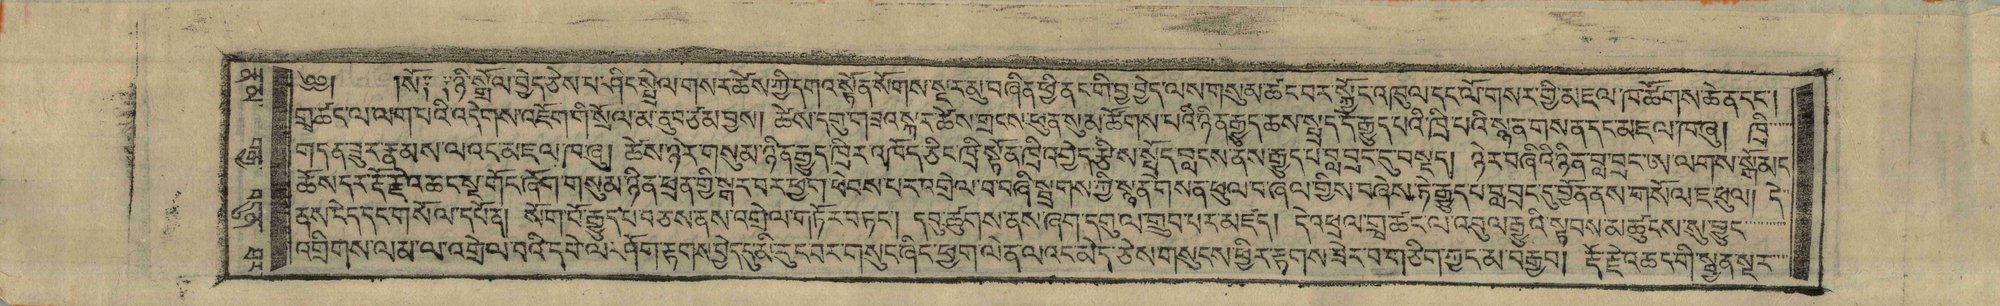༄༅། །སོ༑ ༑ཉི་སྒྲོལ་བྱེད་ཅེས་པ་ཤིང་སྤྲེལ་གསར་ཚེས་ཀྱི་དགའ་སྟོན་སོགས་སྔར་མུ་བཞིན་ཕྱི་ནང་གི་བྱ་བྱེད་ལས་གསུམ་ཚང་བར་སྐྱོང་འཁུལ་དང་ལོ་གསར་གྱི་མཇལ་ཁ་ཚོགས་ཆེན་དང་།
གྲྭ་ཚང་ལ་ལག་པའི་འདེགས་འཇོག་གི་སྲོལ་མ་ནུབ་ཙམ་བྱས། ཚེས་དགུ་གཟའ་སྐར་ཚེས་གྲངས་ཕུན་སུམ་ཚོགས་པའི་ཉིན་རྒྱུད་ཆས་སྤྲད་དེ་རྒྱུད་པའི་ཁྲི་པའི་སྙན་གསན་དང་མཇལ་ཁ་ཞུ། ཁྲི་
གདན་ཟུར་རྣམས་ལའང་མཇལ་ཁ་ཞུ། ཚེས་ཉེར་གསུམ་ཉིན་རྒྱུད་ཁྲིར་འཁོད་ཅིང་ཁྲི་སྟོན་ཁྲི་འགྱེད་རྩིས་སྤྲོད་བླངས་ནས་རྒྱུད་པ་བླ་བྲང་དུ་བསྡད། ཉེར་བཞིའི་ཉིན་བླ་བྲང་ཨ་ལགས་སྒོ་མང་
ཆོས་དར་རྡོ་རྗེ་འཆང་སྔ་གོང་ཞོག་གསུམ་ཉིན་ཕྲན་གྱི་སྒར་བར་ཕྱག་ཕེབས་པར་འགྲེལ་བ་བཞི་སྦྲགས་ཀྱི་སྙན་གསན་ཕུལ་བ་ཞལ་གྱིས་བཞེས་ཏེ་རྒྱུད་པ་བླ་བྲང་དུ་བྱོན་ནས་གསོལ་ཇ་ཕུལ། དེ་
ནས་ངེད་དང་གསོལ་དཔོན། སོག་པོ་རྒྱུད་པ་བཅས་ནས་འགྲེལ་གཏོར་བཏང་། དབུ་ཚུགས་ནས་ཞག་དགུ་ལ་གྲུབ་པར་མཛད། དེ་འཕྲལ་གྲྭ་ཚང་ལ་འགུལ་རྒྱུའི་སྟབས་མཚུངས་སུ་བྱུང་
འགྲིགས་ལམ་ལ་འགྲེལ་བའི་དབེ་ལ་ཤོག་རྟགས་བྱེད་དུ་མི་རུང་བར་གསུང་ཞིང་ཕྱག་ལེན་ལའང་མེད་ཅེས་གསུངས་ཕྱིར་རྟགས་ཟེར་བ་གཅིག་ཀྱང་མ་བརྒྱབ། རྡོ་རྗེ་འཆང་གི་སྤྱན་སྔར་